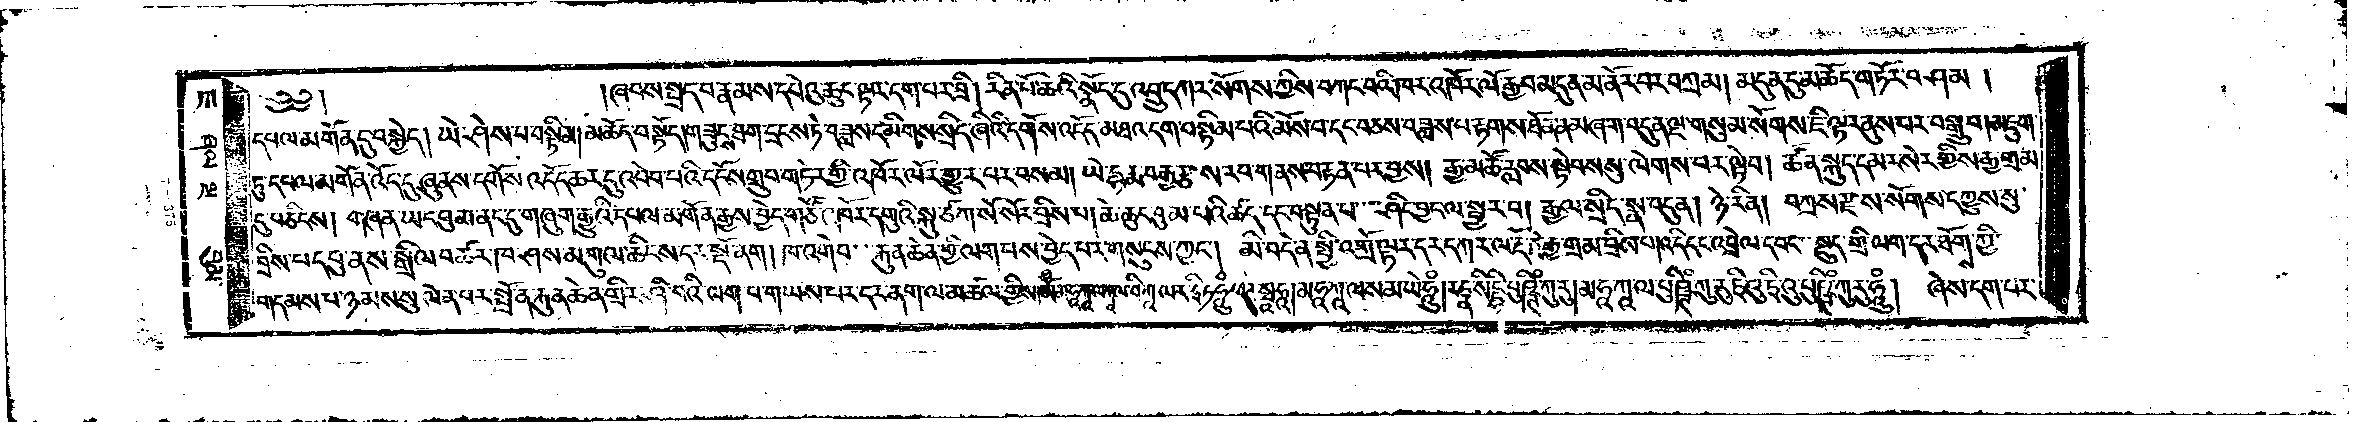༄༅། །ཞབས་སྤྲད་བ་རྣམས་དཔེའུ་ཆུང་ལྟར་དག་པར་བྲི། རིན་པོ་ཆེའི་སྣོད་དུ་འབྲུ་དགར་སོགས་ཀྱིས་བཀང་བའི་ཁར་འཁོར་ལོ་རྒྱབ་མདུན་མ་ནོར་བར་བཀྲམ། མདུན་དུ་མཆོད་གཏོར་བཤམ་།
དཔལ་མགོན་དུ་བསྐྱེད། ཡེ་ཤེས་པ་བསྟིམ། མཆོད་བསྟོད། གཟུངས་ཐག་དྲངས་ཏེ་བཟླས་དམིགས་སྲིད་ཞིའི་དགོས་འདོད་མཐའ་དག་བསྟིམ་པའི་མོས་པ་དང་བཅས་བཟླས་པ་རྟགས་ཐོན་ནམ་ཞག་བདུན་ལྔ་གསུམ་སོགས་ཇི་ལྟར་ནུས་པར་བསྒྲུབ། མཇུག་
ཏུ་དཔལ་མགོན་འོད་དུ་ཞུ་ནས་དགོས་འདོད་ཆར་དུ་འབེབ་པའི་དངོས་གྲུབ་གཏེར་གྱི་འཁོར་ལོར་གྱུར་པར་བསམ། ཡེདྷ་རྨ་བརྒྱ་རྩས་རབ་གནས་བརྟན་པར་བྱས། རྒྱ་མཚོ་རླབས་ལྟེབས་སུ་ལེགས་པར་ལྟབ། ཆོན་སྐུད་དམར་སེར་ཕྱིས་རྒྱ་གྲམ་
དུ་བཅིངས། གཞན་ཡང་བུམ་ནང་དུ་གཞུག་རྒྱུའི་དཔལ་མགོན་རྒྱས་བྱེད་གཙོ་འཁོར་དགུའི་སྐུ་ཙག་སོ་སོར་བྲིས་པ། ཆེ་ཆུང་བུམ་པའི་ཚད་དང་བསྟུན་པ་ཤིང་བྱང་ལ་སྦྱར་བ། རྒྱལ་སྲིད་སྣ་བདུན། ཉེ་རིན། བཀྲས་རྫས་སོགས་དཀྱུས་སུ་
བྲིས་པ་དབུ་ནས་སྒྲིལ་བ་ཚར་ཁ་ཤས་མགུལ་ཆིངས་དར་སྔོ་ནག །ཁ་འགེབ་རྐུན་ཆེན་གྱི་ལག་པས་བྱེད་པར་གསུངས་ཀྱང་། མི་བདེན་སྤྱི་འགྲོ་ལྟར་དར་དཀར་ལ་རྡོ་རྗེ་རྒྱ་གྲམ་བྲིས་ག་འདི་དང་འབྲེལ་དབང་སྡུད་གྲི་ལག་དར་ཐོགས་ཀྱི་
གདམས་པ་ཉམས་སུ་ལེན་པར་སྤྲོན་རྐུན་ཆེན་གྲྭིར་ཤི་བའི་ལག་པ་གཡས་པར་དར་ནག་ལ་མཚལ་གྱིས། ཨོཾ་མཧཱ་ཀཱ་ལ་ཀཱ་ལི་བི་ཀཱ་ལ་ར་ཏྲི་ཏ་ཧཱུཾ་ཕཊ་སྭཱཧཱ། མཧཱ་ཀཱ་ལས་མ་ཡེ་ཧཱུཾ། རཏྣ་སིདྡྷི་བུཥྚི་ཀུ་རུ། མཧཱ་ཀཱ་ལ་པུཥྚིཾ་ཀུ་རུ་ཏྲི་འུ་ཏྲི་འུ་བུ་ཥྚིཾ་ཀུ་རུ་ཧཱུཾ། ཞེས་དག་པར་